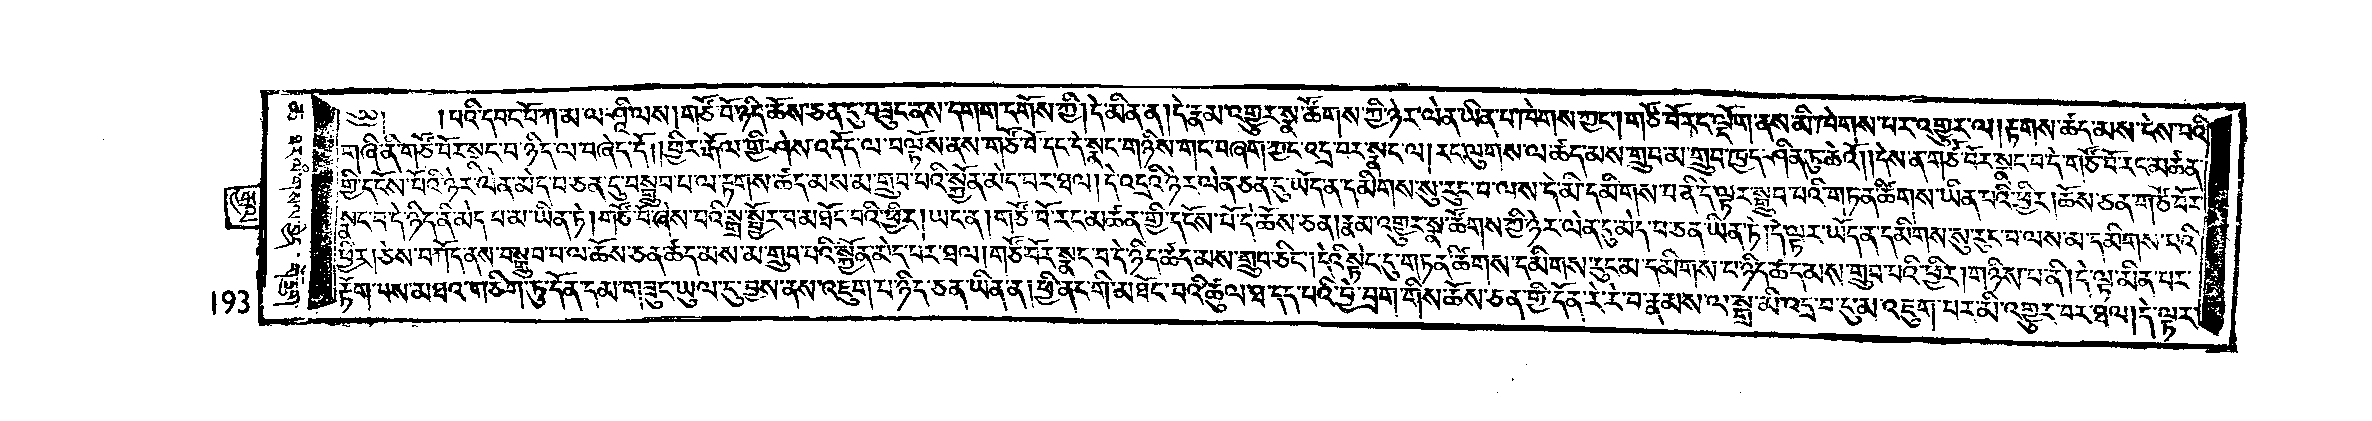༄༅། །པའི་དབང་པོ་ཀ་མ་ལ་ཤཱི་ལས། གཙོ་བོ་ཉིད་ཆོས་ཅན་དུ་བཟུང་ནས་དགག་དགོས་ཀྱི། དེ་མིན་ན། དེ་རྣམ་འགྱུར་སྣ་ཚོགས་ཀྱི་ཉེར་ལེན་ཡིན་པ་ཁེགས་ཀྱང་། གཙོ་བོ་རང་ལྡོག་ནས་མི་ཁེགས་པར་འགྱུར་ལ། རྟགས་ཚད་མས་ངེས་པའི་
གཞི་ནི་གཙོ་བོར་སྣང་བ་ཉིད་ལ་བཞེད་དོ། །ཕྱིར་རྒོལ་གྱི་ཤེས་འདོད་ལ་བལྟོས་ནས་གཙོ་བོ་དང་དེ་སྣང་གཉིས་གང་བཞག་ཀྱང་འདྲ་བར་སྣང་ལ། རང་ལུགས་ལ་ཚད་མས་གྲུབ་མ་གྲུབ་ཁྱད་ཤིན་ཏུ་ཆེའོ། །དེས་ན་གཙོ་བོར་སྣང་བ་དེ་གཙོ་བོ་རང་མཚན་
གྱི་དངོས་པོའི་ཉེར་ལེན་མེད་པ་ཅན་དུ་བསྒྲུབ་པ་ལ་རྟགས་ཚད་མས་མ་གྲུབ་པའི་སྐྱོན་མེད་པར་ཐལ། དེ་འདྲའི་ཉེར་ལེན་ཅན་དུ་ཡོད་ན་དམིགས་སུ་རུང་བ་ལས་དེ་མི་དམིགས་པ་ནི་དེ་ལྟར་སྒྲུབ་པའི་གཏན་ཚིགས་ཡིན་པའི་ཕྱིར། ཆོས་ཅན་གཙོ་བོར་
སྣང་བ་དེ་ཉིད་ནི་མེད་པ་མ་ཡིན་ཏེ། གཙོ་བོ་ཞེས་པའི་སྒྲ་སྦྱོར་བ་མཐོང་བའི་ཕྱིར། ཡང་ན། གཙོ་བོ་རང་མཚན་གྱི་དངོས་པོ་དེ་ཆོས་ཅན། རྣམ་འགྱུར་སྣ་ཚོགས་ཀྱི་ཉེར་ལེན་དུ་མེད་པ་ཅན་ཡིན་ཏེ་།དེ་ལྟར་ཡོད་ན་དམིགས་སུ་རུང་བ་ལས་མ་དམིགས་པའི་
ཕྱིར། ཅེས་བཀོད་ནས་བསྒྲུབ་པ་ལ་ཆོས་ཅན་ཚད་མས་མ་གྲུབ་པའི་སྐྱོན་མེད་པར་ཐལ། གཙོ་བོར་སྣང་བ་དེ་ཉིད་ཚད་མས་གྲུབ་ཅིང་། དེའི་སྟེང་དུ་གཏན་ཚིགས་དམིགས་རུང་མ་དམིགས་པ་ཉིད་ཚད་མས་གྲུབ་པའི་ཕྱིར། གཉིས་པ་ནི། དེ་ལྟ་མིན་པར་
རྟོག་པས་མཐའ་གཅིག་ཏུ་དོན་དམ་གཟུང་ཡུལ་དུ་བྱས་ནས་འཇུག་པ་ཉིད་ཅན་ཡིན་ན། ཕྱི་ནང་གི་མཐོང་བའི་ཚུལ་ཐ་དད་པའི་བྱེ་བྲག་གིས་ཆོས་ཅན་གྱི་དོན་རེ་རེ་བ་རྣམས་ལ་སྒྲ་མི་འདྲ་བ་དུ་མ་འཇུག་པར་མི་འགྱུར་བར་ཐལ། དེ་ལྟར་